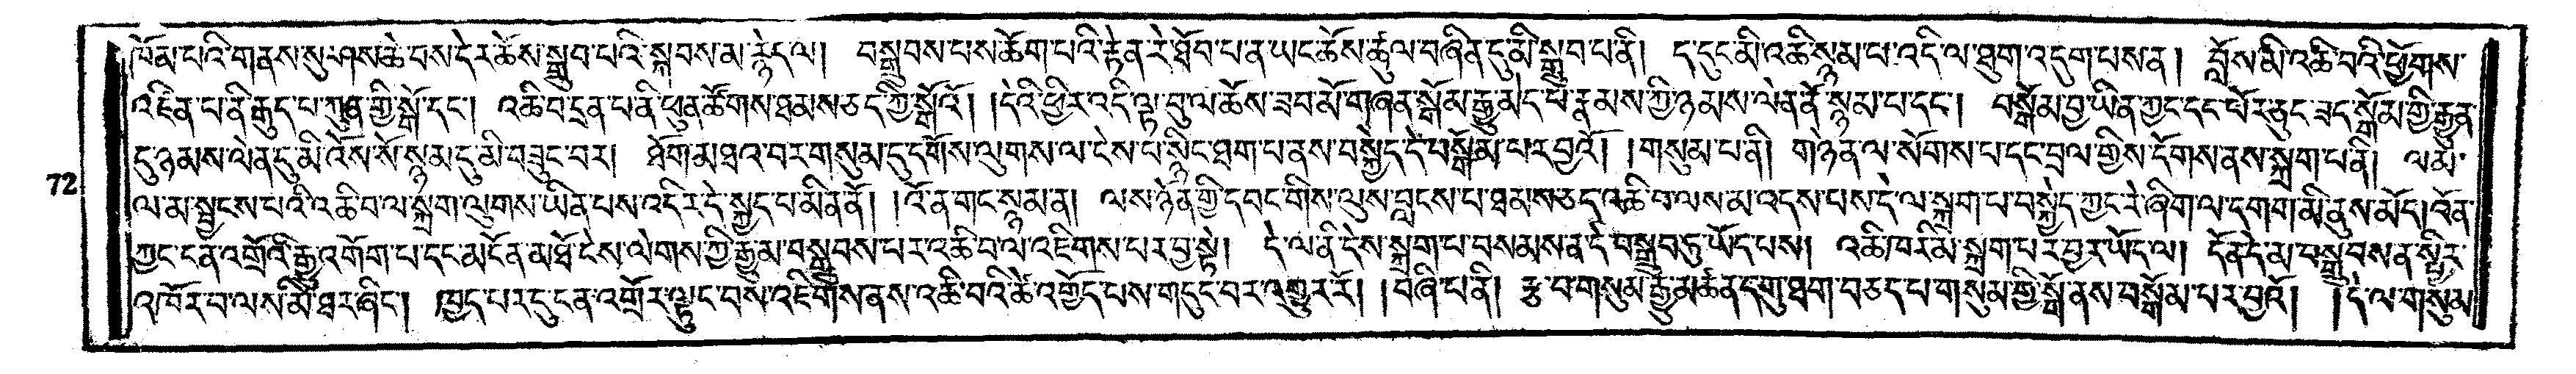ཁོམ་པའི་གནས་སུ་ཤས་ཆེ་བས་དེར་ཆོས་སྒྲུབ་པའི་སྐབས་མ་རྙེད་ལ། བསྒྲུབས་པས་ཆོག་པའི་རྟེན་རེ་ཐོབ་པ་ན་ཡང་ཆོས་ཚུལ་བཞིན་དུ་མི་སྒྲུབ་པ་ནི། ད་དུང་མི་འཆི་སྙམ་པ་འདི་ལ་ཐུག་འདུག་པས་ན། བློས་མི་འཆི་བའི་ཕྱོགས་
འཛིན་པ་ནི་རྒུད་པ་ཀུན་གྱི་སྒོ་དང་། འཆི་བ་དྲན་པ་ནི་ཕུན་ཚོགས་ཐམས་ཅད་ཀྱི་སྒོའོ། །དེའི་ཕྱིར་འདི་ལྟ་བུ་ལ་ཆོས་ཟབ་མོ་གཞན་སྒོམ་རྒྱུ་མེད་པ་རྣམས་ཀྱི་ཉམས་ལེན་ནོ་སྙམ་པ་དང་། བསྒོམ་བྱ་ཡིན་ཀྱང་དང་པོར་ཅུང་ཟད་སྒོམ་གྱི་རྒྱུན་
དུ་ཉམས་ལེན་དུ་མི་འོས་སོ་སྙམ་དུ་མི་བཟུང་བར། ཐོག་མཐའ་བར་གསུམ་དུ་དགོས་ལུགས་ལ་ངེས་པ་སྙིང་ཐག་པ་ནས་བསྐྱེད་དེ་བསྒོམ་པར་བྱའོ། །གསུམ་པ་ནི། གཉེན་ལ་སོགས་པ་དང་བྲལ་གྱིས་དགོས་ནས་སྐྲག་པ་ནི། ལམ་
ལ་མ་སྦྱངས་པའི་འཆི་བ་ལ་སྐྲག་ལུགས་ཡིན་པས་འདིར་དེ་སྐྱད་པ་མིན་ནོ། །འོ་ན་གང་སྙམ་ན། ལས་ཉོན་གྱི་དབང་གིས་ལུས་བླངས་པ་ཐམས་ཅད་འཆི་བ་ལས་མ་འདས་པས་དེ་ལ་སྐྲག་པ་བསྐྱེད་ཀྱང་རེ་ཞིག་ལ་དགག་མི་ནུས་མདོ། འོན་
ཀྱང་ངན་འགྲོའི་རྒྱུ་འགོག་པ་དང་མངོན་མཐོ་ངེས་ལེགས་ཀྱི་རྒྱུ་མ་བསྒྲུབས་པར་འཆི་བ་ལ་འཇིགས་པར་བྱ་སྟེ། དེ་ལ་ནི་དེས་སྐྲག་པ་བསམས་ན་དེ་བསྒྲུབ་ཏུ་ཡོད་པས། འཆི་ཁར་མི་སྐྲག་པར་བྱར་ཡོད་ལ། དོན་དེ་མ་བསྒྲུབས་ན་སྤྱིར་
འཁོར་བ་ལས་མི་ཐར་ཞིང་། ཁྱད་པར་དུ་ངན་འགྲོར་ལྟུང་བས་འཇིགས་ནས་འཆི་བའི་ཚེ་འགྱོད་པས་གདུང་བར་འགྱུར་རོ། །བཞི་པ་ནི། རྩ་བ་གསུམ་རྒྱུ་མཚན་དགུ་ཐག་བཅད་པ་གསུམ་གྱི་སྒོ་ནས་བསྒོམ་པར་བྱའོ། །དེ་ལ་གསུམ་